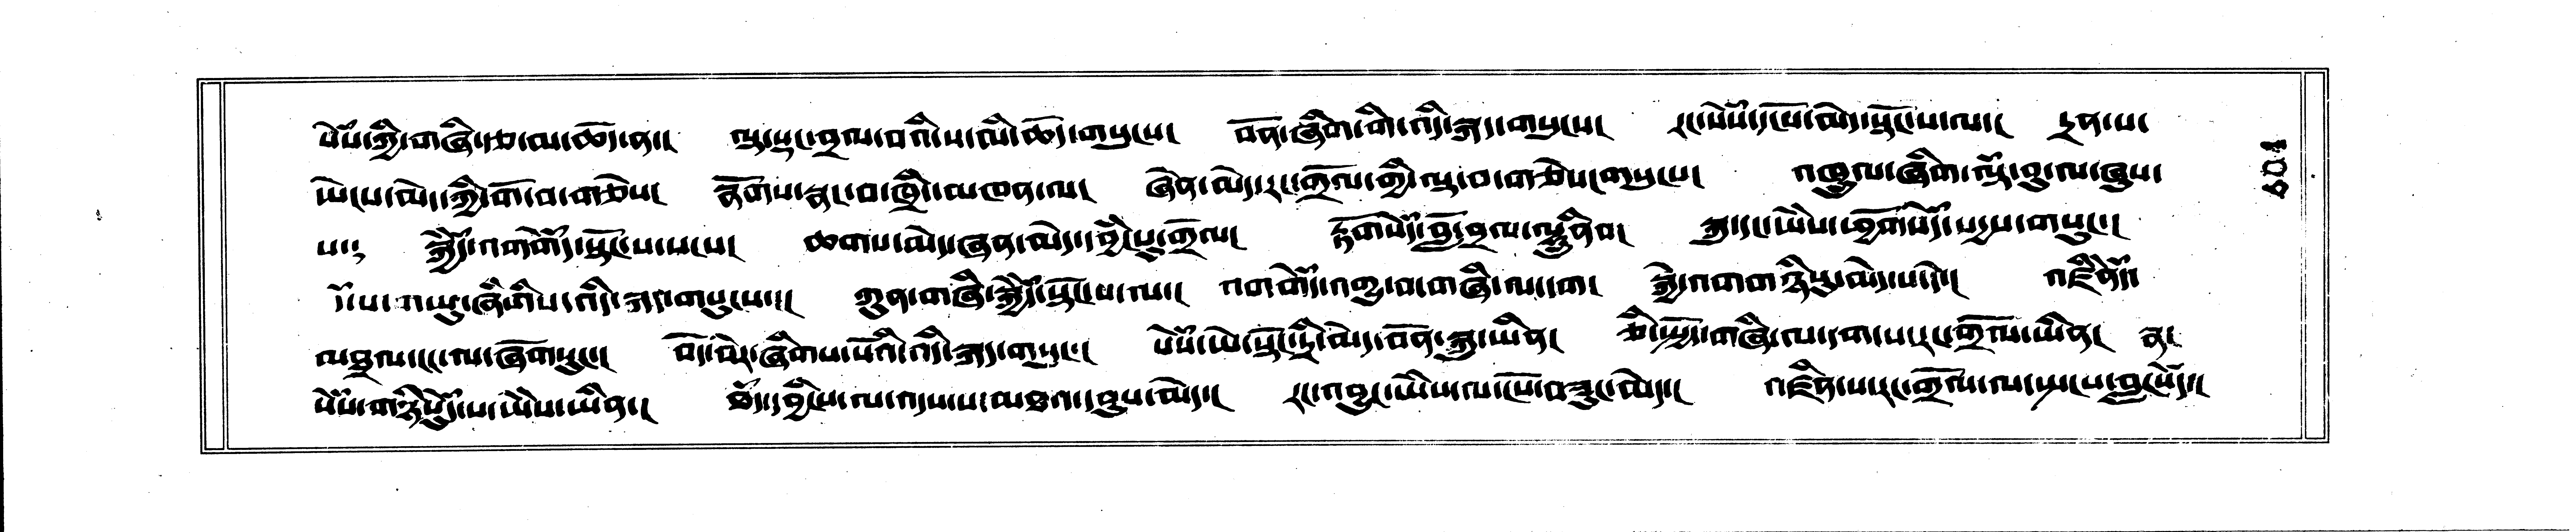སེམས་ཀྱི་གཞི་རྩ་མ་ཆོད་ན། ལྟ་སྟངས་བཟང་ཀྱང་ས་མི་ཆོད་གསུངས། བོན་ཞིག་གི་གསུངས་པ། རང་སེམས་དངོས་མེད་སྟོང་པ་ལ། དྲན་པ་
ཡེངས་མེད་ཀྱི་གསལ་བཏབ་ཅེས། སྣ་ཚོགས་སྣང་བ་བྲིད་མཁན་ལ། ཞེ་སྡང་རང་”ཞེན་མེད”གྲོལ་གྱི་ལྟ་བ་གཅེས། འཁྲུལ་ཞིག་ལྡོམ་བུ་ལ་ཞུས་
པས། སྐྱེ་མེད་འགག་མེད་སྟོང་པར་སངས། ཆགས་མེད་ཞེན་མེད་དབྱིངས་སུ་གྲོལ། རྟོགས་མེད་བློ་བྲལ་ལྷུན་གྱིས་འགྲུབས། སྐུ་དང་ཡེ་ཤེས་ཕྱོགས་མེད་རྒྱས་གསུངས། 
དམ་པ་གཡུའ་ཞིག་ལ་ཞུས་པས་འདི་སྐད་གསུངས། ཀུན་གཞི་སྐྱེད་མེད་སྟོང་པ་ལ། གྷག་(འགག)་མེད་འགྱུར་བ་གཞི་ལ་དག སྐྱེ་གྷག་(འགག)་གཉིས་སུ་མེད་པ་དེ། འཛིན་མེད་མཐའ་
བྲལ་ངང་ལ་ཞོག་གསུངས། བདོ་རྦར་‘‘བོད་བེར”ཞིག་པོ་ལ་ཞུས་པས། སེམས་ཉིད་ཡེ་སྟོང་དྲི་བྲལ་བོན་སྐུ་ཡིན། ཅི་སྤྱོད་གཞི་ལ་དག་པ་རང་གྲོལ་ཡིན། སྣང་
སེམས་གཉིས་སུ་མེད་པ་ཡེ་ཤེས་ཡིན། ཐམས་ཅད་དབྱིངས་ལ་འདས་པས་མཐའ་དབུས་མེད། རང་འབྱུང་ཡེ་ཤེས་ལ་ངོས་བཟུང་མེད།